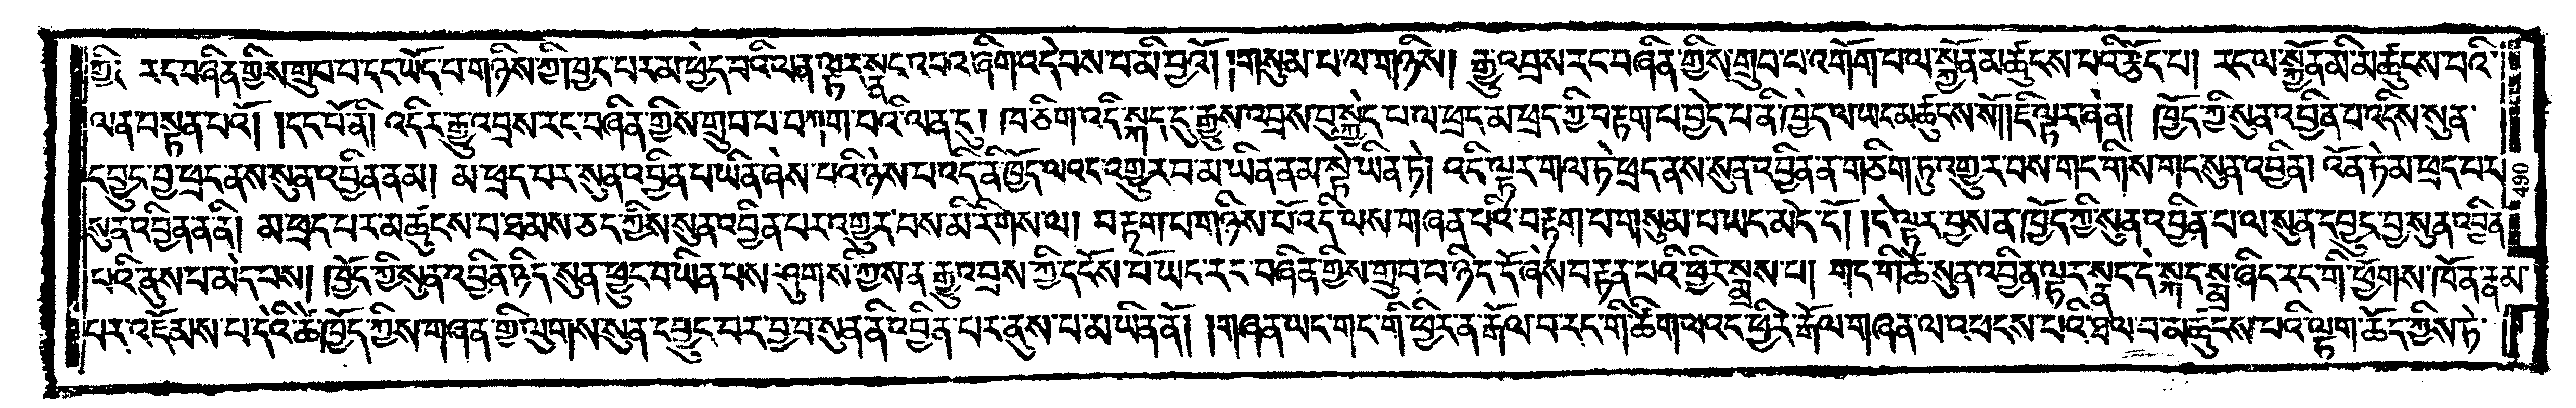གྱི༑ རང་བཞིན་གྱིས་གྲུབ་པ་དང་ཡོད་པ་གཉིས་ཀྱི་ཁྱད་པར་མ་ཕྱེད་པའི་ལན་ལྟར་སྣང་འབའ་ཞིག་འདེབས་པ་མི་བྱའོ། །གསུམ་པ་ལ་གཉིས། རྒྱུ་འབྲས་རང་བཞིན་གྱིས་གྲུབ་པ་འགོག་པ་ལ་སྐྱོན་མཚུངས་པའི་རྩོད་པ། རང་ལ་སྐྱོན་མི་མཚུངས་པའི་
ལན་བསྟན་པའོ། །དང་པོ་ནི། འདིར་རྒྱུ་འབྲས་རང་བཞིན་གྱིས་གྲུབ་པ་བཀག་པའི་ལན་དུ། ཁ་ཅིག་འདི་སྐད་དུ་རྒྱུས་འབྲས་བུ་སྐྱེད་པ་ལ་ཕྲད་མ་ཕྲད་ཀྱི་བརྟག་པ་བྱེད་པ་ནི་ཁྱེད་ལ་ཡང་མཚུངས་སོ། །ཇི་ལྟར་ཞེ་ན། ཁྱོད་ཀྱི་སུན་འབྱིན་པ་འདིས་སུན་
དབྱུང་བྱ་ཕྲད་ནས་སུན་འབྱིན་ནམ། མ་ཕྲད་པར་སུན་འབྱིན་པ་ཡིན་ཞེས་པའི་ཉེས་པ་འདི་ནི་ཁྱོད་ལའང་འགྱུར་བ་མ་ཡིན་ནམ་སྟེ་ཡིན་ཏེ། འདི་ལྟར་གལ་ཏེ་ཕྲད་ནས་སུན་འབྱིན་ན་གཅིག་ཏུ་འགྱུར་བས་གང་གིས་གང་སུན་འབྱིན། འོན་ཏེ་མ་ཕྲད་པར་
སུན་འབྱིན་ན་ནི། མ་ཕྲད་པར་མཚུངས་པ་ཐམས་ཅད་ཀྱིས་སུན་འབྱིན་པར་འགྱུར་བས་མི་རིགས་ལ། བརྟག་པ་གཉིས་པོ་འདི་ལས་གཞན་པའི་བརྟག་པ་གསུམ་པ་ཡང་མེད་དོ། །དེ་ལྟར་བྱས་ན་ཁྱོད་ཀྱི་སུན་འབྱིན་པ་ལ་སུན་དབྱུང་བྱ་སུན་འབྱིན་
པའི་ནུས་པ་མེད་པས། ཁྱོད་ཀྱི་སུན་འབྱིན་ཉིད་སུན་ཕྱུང་བ་ཡིན་པས་ཤུགས་ཀྱིས་ན་རྒྱུ་འབྲས་ཀྱི་དངོས་པོ་ཡང་རང་བཞིན་གྱིས་གྲུབ་པ་ཉིད་དོ་ཞེས་བརྟན་པའི་ཕྱིར་སྨྲས་པ། གང་གི་ཚེ་སུན་འབྱིན་ལྟར་སྣང་དེ་སྐད་སྨྲ་ཞིང་རང་གི་ཕྱོགས་ཁོ་ན་རྣམ་
པར་འཇོམས་པ་དེའི་ཚེ་ཁྱོད་ཀྱིས་གཞན་གྱི་ལུགས་སུན་དབྱུང་བར་བྱ་བ་སུན་ནི་འབྱིན་པར་ནུས་པ་མ་ཡིན་ནོ། །གཞན་ཡང་གང་གི་ཕྱིར་ན་རྒོལ་བ་རང་གི་ཚིག་ལའང་ཕྱིར་རྒོལ་གཞན་ལ་འཕངས་པའི་ཐལ་བ་མཚུངས་པའི་ལྟག་ཆོད་ཀྱིས་ཏེ་